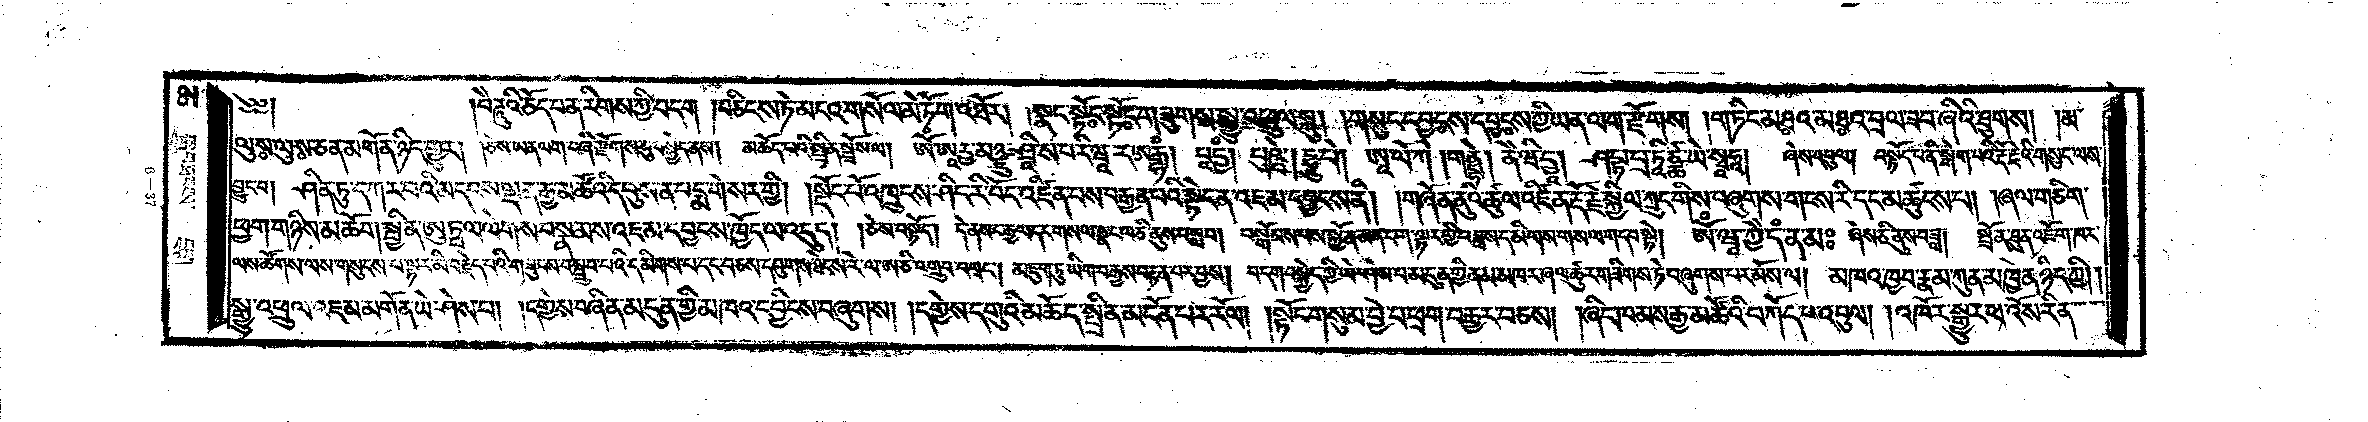༄༅། །བཻཌཱུའི་ཅོད་པན་རིགས་ཀྱི་བདག །བཅིངས་ཏེ་མངའ་གསོལ་མེ་ཏོག་འཐོར། །སྣང་སྟོང་སྟོང་གཟུགས་སྒྱུ་འཕྲུལ་སྐུ། །གསུང་དབྱངས་དབྱངས་ཀྱི་ཡན་ལག་རྫོགས། །གཏིང་མཐའ་མཐའ་བྲལ་ཟབ་ཞིའི་ཐུགས། །མ་
ལུས་ལུས་ཅན་མགོན་ཉིད་གྱུར། །ཅེས་ཡན་ལག་བཞི་རྫོགས་སུ་བསྐྱེད་ནས། མཆོད་པའི་སྦྱིན་སྤྲོས་ལ།  ཨོ་ཨཱརྱ་མཉྫུ་ཤྲཱི་ས་པ་རི་ཝཱ་ར་ཨརྒྷཾ། པཱདྱཾ། པུཥྤེ། དྷཱུ་པེ། ཨཱ་ལོ་ཀེ །གནྡྷེ། ནཻ་ཝིདྱཱ། ཤཔྟ་པྲ་ཏཱི་ཙྪ་ཡེ་སྭཱཧཱ། ཞེས་འབུལ། བསྟོད་པ་ནི་སྒེག་པའི་རྡོ་རྗེའི་གསུང་ལས་
བྱུང་བ། ཤིན་ཏུ་དཀར་བའི་མདབས་ལྡན་རྒྱ་མཚོའི་དབུས་ན་པདམ་གེ་སར་གྱི། །སྡོང་པོ་འཁྲུངས་ཤིང་རི་བོང་འཛིན་པས་བརྒྱན་པའི་སྟེང་ན་འཇམ་དབྱངས་ནི། །གཞོན་ནུའི་ཚུལ་འཛིན་རྡོ་རྗེ་སྐྱིལ་ཀྲུང་གིས་བཞུགས་གངས་རི་དང་མཚུངས་པ། །ཞལ་གཅིག་
ཕྱག་གཉིས་མཆོག་སྦྱིན་ཨུཏྤལ་ལེགས་བསྣམས་འཇམ་དབྱངས་ཁྱོད་ལ་འདུད། །ཅེས་བསྟོད། དེ་ནས་ང་རྒྱལ་དང་གསལ་སྣང་ལ་ཅི་ནུས་བསླབ། བསྒོམས་པས་སྐྱོན་མན་ངག་ལྟར་གྱི་བཟླས་དམིགས་གསལ་གདབ་སྟེ།  ཨོཾ་ཝཱ་ཀྱཻ་དཾ་ན་མཿ ཞེས་ཅི་ནུས་བཟླ། སྦྲོན་ཐུན་འཇོག་ཁར་
ལས་ཚོགས་ལས་གསུངས་པ་ལྟར་མི་བརྗེད་པའི་གཟུངས་བསྒྲུལ་པའི་དམིགས་པ་དང་བཅས་དབུགས་ཐེངས་རེ་ལ་ཨ་ཅི་འགྲུབ་བགྲང་། མཇུག་ཏུ་ཡིག་པ་རྒྱས་བརྟན་པར་བྱས། བདག་བསྐྱེད་ཀྱི་ཡེ་ཤེས་པ་མདུན་གྱི་ནམ་མཁར་ཞལ་ཚུར་གཟིགས་ཏེ་བཞུགས་པར་མོས་ལ། མཁའ་ཁྱབ་རྣམ་ཀུན་མཁྱེན་ཉིད་ཀྱི། །
སྒྱུ་འཕྲུལ་འཇམ་མགོན་ཡེ་ཤེས་པ། །དགྱེས་བཞིན་མདུན་གྱི་མཁའ་དབྱིངས་བཞུགས། །དགྱེས་དགུའི་མཆོད་སྤྲིན་མངོན་པར་རོལ། །སྟོང་གསུམ་བྱེ་བ་ཕྲག་བརྒྱར་བཅས། །ཞིང་ཁམས་རྒྱ་མཚོའི་བཀོད་པ་འབུལ། །འཁོར་སྒྱུར་ཕ་འོས་རིན་